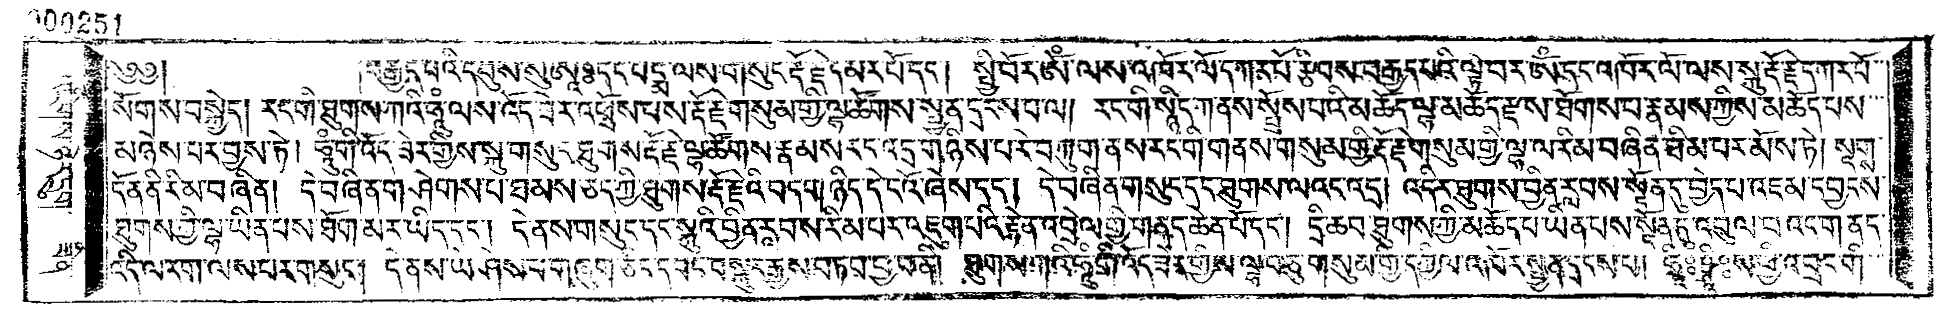༄༅། །བརྒྱད་པའི་དབུས་སུ་ཨཱཿ དང་པདམ་ལས་གསུང་རྡོ་རྗེ་དམར་པོ་དང་། སྤྱི་བོར་ཨོཾ་ལས་འཁོར་ལོ་དཀར་པོ་རྩིབས་བརྒྱད་པའི་ལྟེ་བར་ཨོཾ་དང་འཁོར་ལོ་ལས་སྐུ་རྡོ་རྗེ་དཀར་པོ་
སོགས་བསྐྱེད། རང་གི་ཐུགས་ཀའི་ཧཱུཾ་ལས་འོད་ཟེར་འཕྲོས་པས་རྡོ་རྗེ་གསུམ་གྱི་ལྷ་ཚོགས་སྤྱན་དྲངས་པ་ལ། རང་གི་སྙིང་ཀ་ནས་སྤྲོས་པའི་མཆོད་ལྷ་མཆོད་རྫས་ཐོགས་པ་རྣམས་ཀྱིས་མཆོད་པས་
མཉེས་པར་བྱས་ཏེ། ཧཱུཾ་གི་འོད་ཟེར་གྱིས་སྐུ་གསུང་ཐུགས་རྡོ་རྗེ་ལྷ་ཚོགས་རྣམས་རང་འདྲ་གཉིས་པ་རེ་བཀུག་ནས་རང་གི་གནས་གསུམ་གྱི་རྡོ་རྗེ་གསུམ་གྱི་ལྷ་ལ་རིམ་བཞིན་ཐིམ་པར་མོས་ཏེ། སྔགས་
དོན་ནི་རིམ་བཞིན། དེ་བཞིན་གཤེགས་པ་ཐམས་ཅད་ཀྱི་ཐུགས་རྡོ་རྗེའི་བདག་ཉིད་དེ་ངའོ་ཞེས་དང་། དེ་བཞིན་གསུང་དང་ཐུགས་ལའང་འདྲ། འདིར་ཐུགས་བྱིན་རླབས་སྔོན་དུ་བྱེད་པ་འཇམ་དབྱངས་
ཐུགས་ཀྱི་ལྷ་ཡིན་པས་ཐོག་མར་ཡིད་དང་། དེ་ནས་གསུང་དང་སྐུའི་བྱིན་རླབས་རིམ་པར་འཇུག་པའི་རྟེན་འབྲེལ་གྱི་གནད་ཆེན་པོ་དང་། དྲི་ཆབ་ཐུགས་ཀྱི་མཆོད་པ་ཡིན་པས་སྔོན་དུ་འབུལ་བའང་གནད་
འདི་ལ་རག་ལས་པར་གསུང་། དེ་ནས་ཡེ་ཤེས་པ་གཞུག་ཅིང་དབང་བསྐུར་རྒྱས་བཏབ་བྱ་བ་ནི། ཐུགས་ཀའི་ཧཱུཾ་གི་འོད་ཟེར་གྱིས་ལྷ་བཅུ་གསུམ་གྱི་དཀྱིལ་འཁོར་སྤྱན་དྲངས་པ། ཧྲཱིཿ ཥྚཱིཿ ས་ཕྱི་འབྲང་གི་